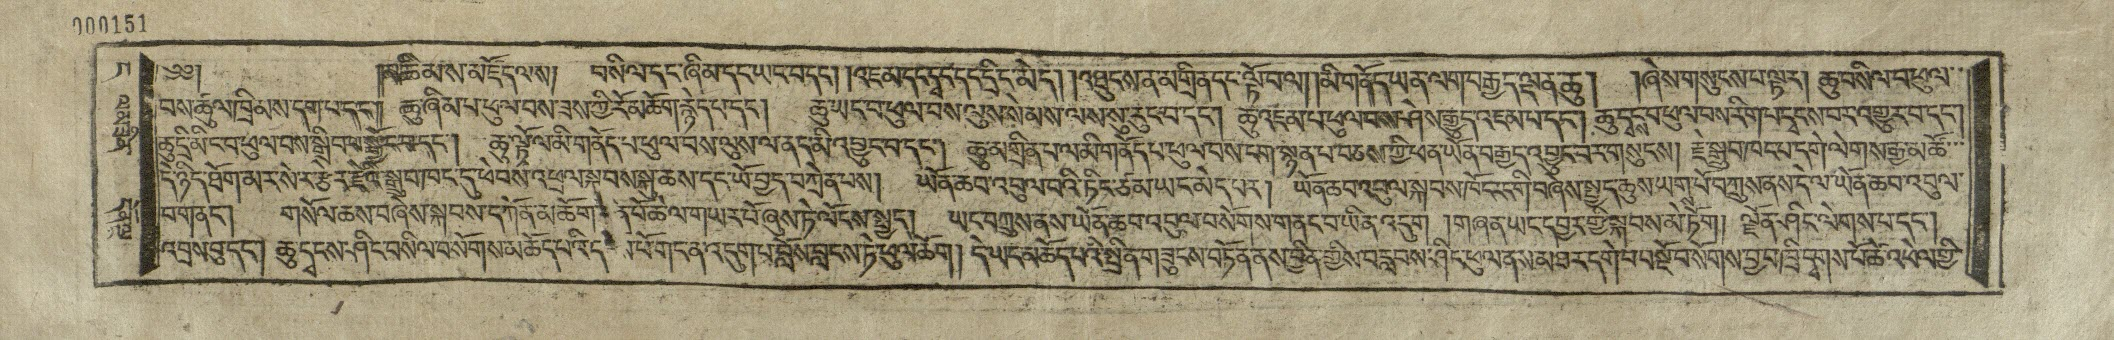༄༅། །མཆིམས་མཛོད་ལས། བསིལ་དང་ཞིམ་དང་ཡང་དང་། །འཇམ་དང་དྭང་དང་དྲི་ང་མེད། །འཐུངས་ན་མགྲིན་དང་ལྟོ་བ་ལ། མི་གནོད་ཡང་ལག་བརྒྱད་ལྡན་ཆུ། །ཞེས་གདུངས་པ་ལྟར། ཆུ་བསིལ་བ་ཕུལ་
བས་ཚུལ་ཁྲིམས་དག་པ་དང་། ཆུ་ཞིམ་པ་ཕུལ་བས་ཟས་ཀྱི་རོ་མཆོག་རྙེད་པ་དང་། ཆུ་ཡང་བ་ཕུལ་བས་ལུས་སེམས་ལས་སུ་རུང་བ་དང་། ཆུ་འཇམ་པ་ཕུལ་བས་ཤེས་རྒྱུད་འཇམ་པ་དང་། ཆུ་དྭངས་བ་ཕུལ་བས་རིག་པ་དྭང་བར་འགྱུར་བ་དང་།
ཆུ་དྲི་མིང་བ་ཕུལ་བས་སྒྲིབ་པ་སྦྱོང་བ་དང་། ཆུ་ལྟོ་ལ་མི་གནོད་པ་ཕུལ་བས་ལུས་ལ་ནད་མི་འབྱུང་བ་དང་། ཆུ་མགྲིན་པ་ལ་མི་གནོད་པ་ཕུལ་བས་ངག་སྙན་པ་བཅས་ཀྱི་ཕན་ཡོན་བརྒྱད་འབྱུང་བར་གསུངས། རྗེ་སྒྲུབ་ཁང་པ་དགེ་ལེགས་རྒྱ་མཚོ་
དེ་ཉིད་ཐོག་མར་སེ་ར་རྩེར་རྗེའི་སྒྲུབ་ཁང་དུ་ཕེབས་འཕྲལ་སྐབས་སྐུ་ཆས་དང་ཡོ་བྱད་བཀྲེན་པས། ཡོན་ཆབ་འབུལ་བའི་ཏེང་ཙམ་ཡང་མེད་པར། ཡོན་ཆབ་འབུལ་སྐབས་ཁོང་རང་གི་བཞེས་སྤྱད་ཆུས་ཡགས་པོ་བཀྲུས་ནས་དེ་ལ་ཡོན་ཆབ་འབུལ་
བ་གནང་། གསོལ་ཆས་བཞེས་སྐབས་དཀོན་མཆོག་རིན་པོ་ཆེ་ལ་གཡར་པོ་ཞུས་ཏེ་ལོངས་སྤྱད། ཡང་བཀྲུས་ནས་ཡོན་ཆབ་འབུལ་བ་སོགས་གནང་བ་ཡིན་འདུག་གཞན་ཡང་དབྱར་གྱི་སྐབས་མེ་ཏོག་ལྗོན་ཤིང་ལེགས་པ་དང་།
འབྲས་བུ་དང་། ཆུ་དྭངས་ཤིང་བསིལ་བ་སོགས་མཆོད་པའི་དངོས་པོ་གང་ན་འདུག་པ་བློས་བླངས་ཏེ་ཕུལ་ཆོག་དེ་ཡང་མཆོད་པའི་སྤྲིན་གཟུངས་བཏོན་ནས་བྱིན་གྱིས་བརླབས་ཤིང་ཕུལ་ནས་མཐར་དགེ་བ་བསྔོ་བ་སོགས་བྱ་བ་ཁྲི་དྭགས་པོ་ཚེ་འཕེལ་གྱི་